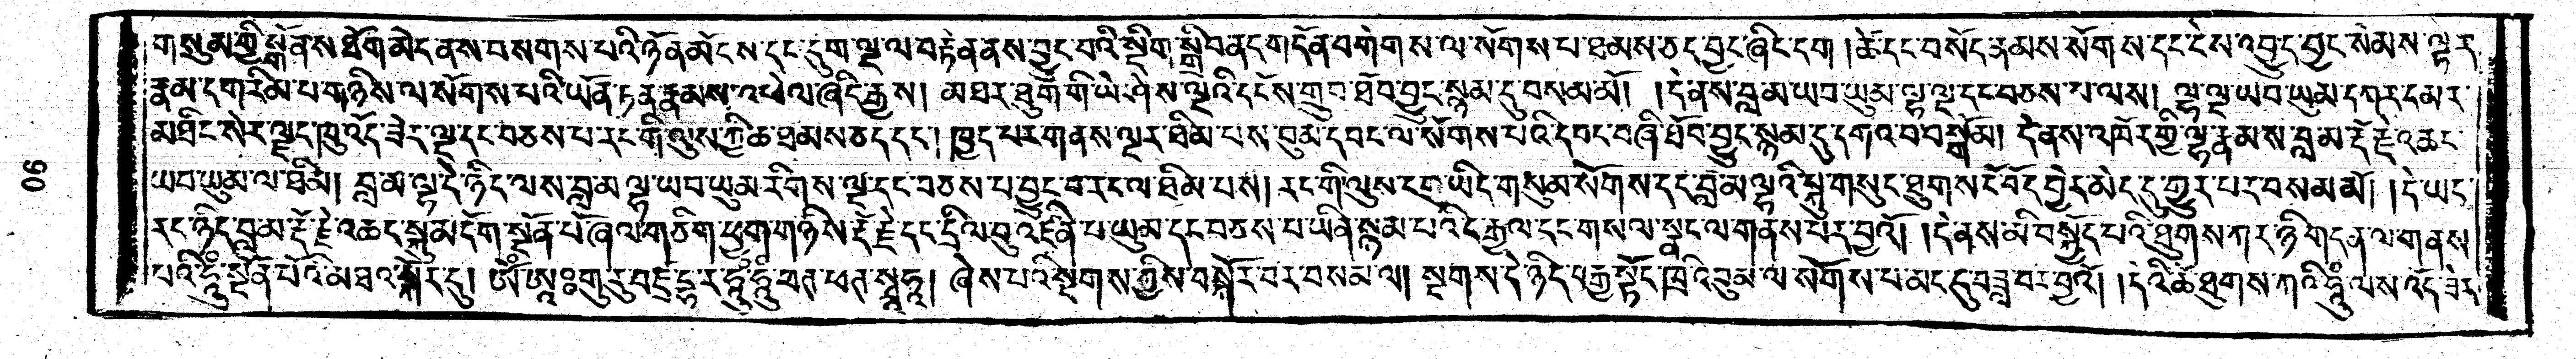གསུམ་གྱི་སྒོ་ནས་ཐོག་མེད་ནས་བསགས་པའི་ཉོན་མོངས་དང་དུག་ལྔ་ལ་བརྟེན་ནས་བྱུང་བའི་སྡིག་སྒྲིབ་ནད་གདོན་བགེགས་ལ་སོགས་པ་ཐམས་ཅད་བྱང་ཞིང་དག །ཚེ་དང་བསོད་ནམས་སོགས་དང་ངེས་འབྱུང་བྱང་སེམས་ལྟར་
རྣམ་དག་རིམ་པ་གཉིས་ལ་སོགས་པའི་ཡོན་ཏན་རྣམས་འཕེལ་ཞིང་རྒྱས། མཐར་ཐུག་གི་ཡེ་ཤེས་ལྔའི་དངོས་གྲུབ་ཐོབ་བྱུང་སྙམ་དུ་བསམ་མོ། །དེ་ནས་བླ་མ་ཡབ་ཡུམ་ལྷ་ལྔ་དང་བཅས་པ་ལས། ལྷ་ལྔ་ཡབ་ཡུམ་དཀར་དམར་
མཐིང་སེར་ལྗང་ཁུ་འོད་ཟེར་ལྔ་དང་བཅས་པ་རང་གི་ལུས་ཀྱི་ཆ་ཐམས་ཅད་དང་། ཁྱད་པར་གནས་ལྔར་ཐིམ་པས་བུམ་དབང་ལ་སོགས་པའི་དབང་བཞི་ཐོབ་བྱུང་སྙམ་དུ་དགའ་བ་བསྒོམ། དེ་ནས་འཁོར་གྱི་ལྷ་རྣམས་བླ་མ་རྡོ་རྗེ་འཆང་
ཡབ་ཡུམ་ལ་ཐིམ། བླ་མ་ལྷ་དེ་ཉིད་ལས་བླ་མ་ལྷ་ཡབ་ཡུམ་རིགས་ལྔ་དང་བཅས་པ་བྱུང་བ་རང་ལ་ཐིམ་པས། རང་གི་ལུས་དགུ་ཡིད་གསུམ་སོགས་དང་བླ་མ་ལྷའི་སྐུ་གསུང་ཐུགས་ངོ་བོ་དབྱེར་མེད་དུ་གྱུར་པར་བསམ་མོ། །དེ་ཡང་
རང་ཉིད་བླ་མ་རྡོ་རྗེ་འཆང་སྐུ་མདོག་སྔོན་པོ་ཞལ་གཅིག་ཕྱག་གཉིས་རྡོ་རྗེ་དང་དྲིལ་བུ་འཛིན་པ་ཡུམ་དང་བཅས་པ་ཡིན་སྙམ་པའི་ང་རྒྱལ་དང་གསལ་སྣང་ལ་གནས་པར་བྱའོ། །དེ་ནས་མི་བསྐྱོད་པའི་ཐུགས་ཀར་ཉི་གདན་ལ་གནས་
པའི་ཧཱུཾ་སྔོན་པོའི་མཐའ་སྐོར་དུ། ཨོཾ་ཨཱཿ གུ་རུ་བཛྲ་དྷ་ར་ཧཱུཾ་ཧཱུཾ་ཕཊ་ཕཊ་སྭཱ་ཧཱ། ཞེས་པའི་སྔགས་ཀྱིས་བསྐོར་བར་བསམ་ལ། སྔགས་དེ་ཉིད་བརྒྱ་སྟོང་ཁྲི་འབུམ་ལ་སོགས་པ་མང་དུ་བཟླ་བར་བྱའོ། །དེའི་ཆོ་ཐུགས་ཀའི་ཧཱུཾ་ལས་འོད་ཟེར་